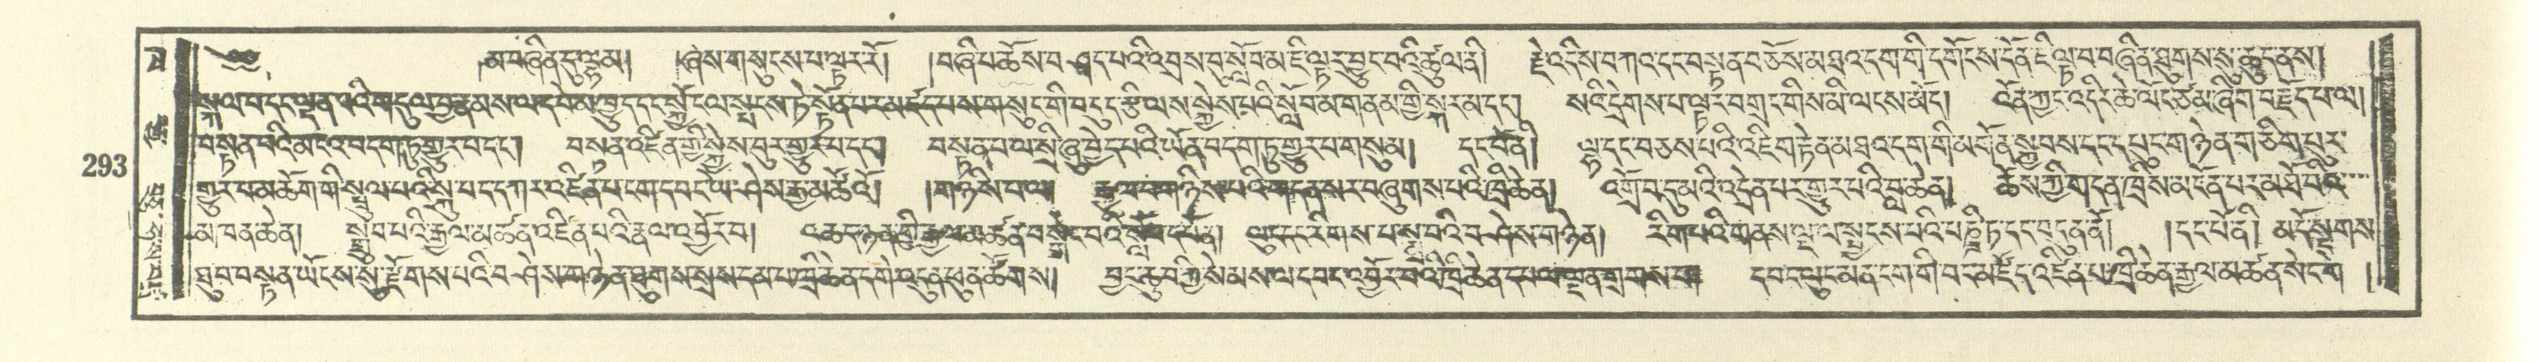༄༅། །མ་བཞིན་དུ་ལྷ་མ། །ཞེས་གསུངས་པ་ལྟར་རོ། །བཞི་པ་ཆོས་བཤད་པའི་འབྲས་བུ་སློབ་མ་ཇི་ལྟར་བྱུང་བའི་ཚུལ་ནི། རྗེ་འདིས་བཀའ་དང་བསྟན་བཅོས་མཐའ་དག་གི་དགོངས་དོན་ཇི་ལྟ་བ་བཞིན་ཐུགས་སུ་ཆུད་ནས།
སྐལ་བ་དང་ལྡན་པའི་གདུལ་བྱ་རྣམས་ལ་དཔེ་མཁྱུད་དང་སྐྱོ་ངལ་སྤངས་ཏེ་སྟོན་པར་མཛད་པས་གསུང་གི་བདུད་རྩི་ལས་སྐྱེས་པའི་སློབ་མ་གནམ་གྱི་སྐར་མ་དང་། སའི་དྲེགས་པ་ལྟར་བགྲང་གིས་མི་ལངས་མོད། འོན་ཀྱང་འདིར་ཆེ་ལོང་ཙམ་ཞིག་བརྗོད་པ་ལ།
བསྟན་བའི་མངའ་བདག་ཏུ་གྱུར་པ་དང་། བསྟན་འཛིན་གྱི་སྐྱེས་བུར་གྱུར་པ་དང་། བསྟན་པ་ལ་སྲི་ཞུ་བྱེད་པའི་ཡོན་བདག་ཏུ་གྱུར་པ་གསུམ། དང་པོ་ནི། ལྷ་དང་བཅས་པའི་འཇིག་རྟེན་མཐའ་དག་གི་མགོན་སྐྱབས་དང་དཔུང་གཉེན་གཅིག་པུར་
གྱུར་པ་མཆོག་གི་སྤྲུལ་པའི་སྐུ་བད་དཀར་འཛིན་པ་ངག་དབང་ཡེ་ཤེས་རྒྱ་མཚོའོ། །གཉིས་པ་ལ། རྒྱལ་བ་གཉིས་པའི་གདན་སར་བཞུགས་པའི་ཁྲི་ཆེན། འགྲོ་བ་དུ་མའི་འདྲེན་པར་གྱུར་པའི་བླ་ཆེན། ཆོས་ཀྱི་གདན་ཁྲིས་མངོན་པར་མཐོ་བའི་
མཁན་ཆེན། སྒྲུབ་པའི་རྒྱལ་མཚན་འཛིན་པའི་རྣལ་འབྱོར་བ། འཆད་ཉན་གྱི་རྒྱལ་མཚན་བསྒྲེང་བའི་སློབ་དཔོན། ལུང་དང་རིགས་པ་སྨྲ་བའི་བཤེས་གཉེན། རིག་པའི་གནས་ལྔ་ལ་སྦྱངས་པའི་པཎྜི་ཏ་དང་བདུན་ནོ། །དང་པོ་ནི། མདོ་སྔགས་
ཐུབ་བསྟན་ཡོངས་སུ་རྫོགས་པའི་བཤེས་གཉེན་ཐུགས་སྲས་དམ་པ་ཁྲི་ཆེན་དགེ་འདུན་ཕུན་ཚོགས། བྱང་ཆུབ་ཀྱི་སེམས་ལ་དབང་འབྱོར་བའི་ཁྲི་ཆེན་དཔལ་ལྡན་གྲགས་པ། དབང་ལུང་མན་ངག་གི་བང་མཛོད་འཛིན་པ་ཁྲི་ཆེན་རྒྱལ་མཚན་སེང་གེ །